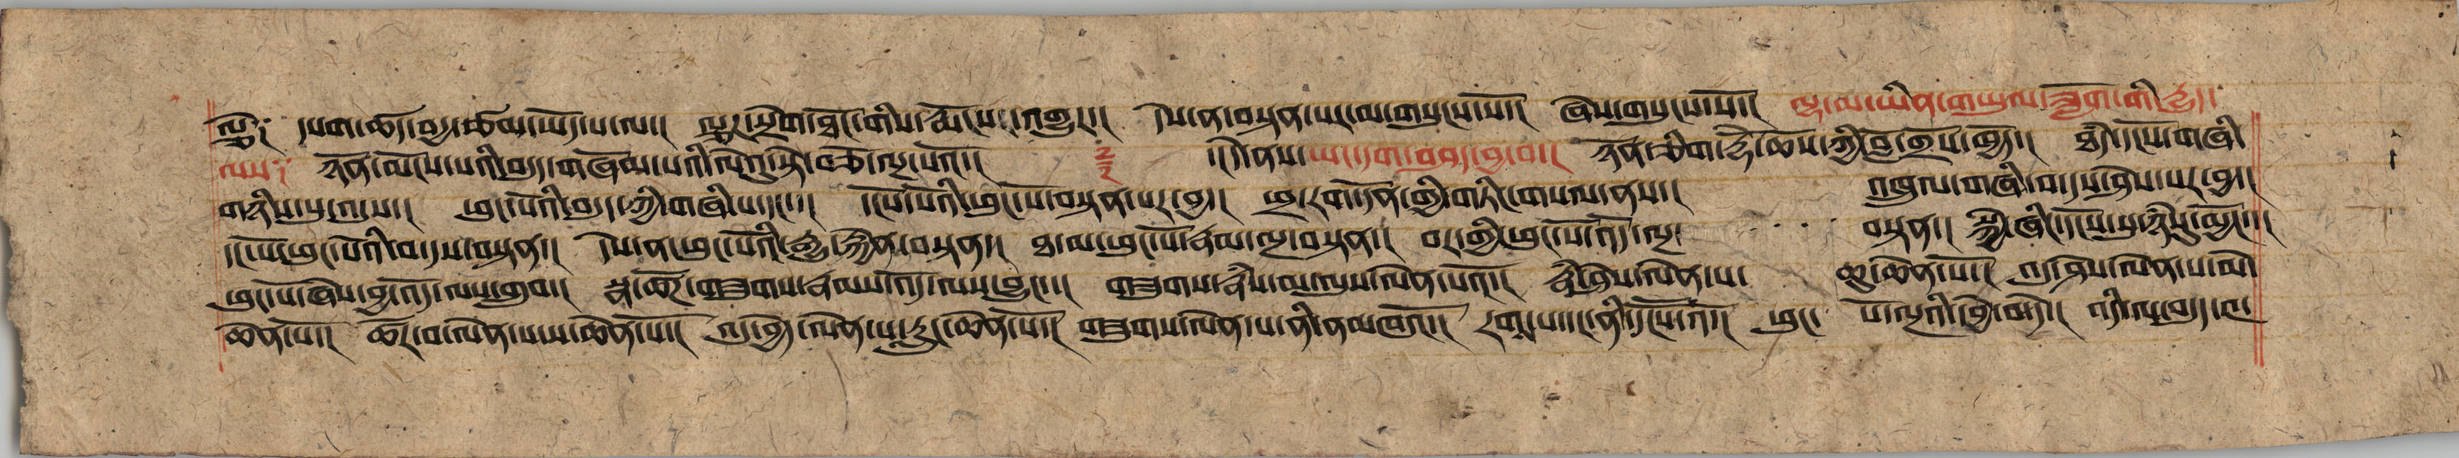ལྕེ༑ དཔག་ཚད་བདྱད་ཙམ་ཡོད་པ་ལ་། ལྕཌ་སྲེག་ཐོང་གིས་རྨོངསར་འགྱུར་། དེས་ན་བསྟན་པར་མ་གསུངས་སོ་། ཞེས་གསུངས་སོ་། ལྷ་མ་ཡིན་གཡུལ་ཟློག་གི་རྒྱུད་
ལས༑ ཉོན་མོངས་པའི་བདུད་གཞོམ་པའི་ལེའུ་སྟེ་བཅོ་ལྔ་པའོ་། ༈ ་།དེ་ནས་ཡང་དག་བཤད་བྱ་བ་། ཉོན་ཅིག་རྡོེ་ཆོས་ཀྱི་བློ་གྲོས་ཁྱོད་། ཐཾད་དངོས་གཞི་
གཉིས་སུ་འདུས་། ཕུང་པོའི་བདུད་ཀྱི་གཞི་ས་དང་་། དངོས་པོའི་ཕུང་པོ་བསྟན་པར་བྱ་། ཕྲ་རབ་དོན་གྱི་གཏིང་གསལ་ནས་། འཁྲུལ་གཞི་བ་དས་ཤེས་པར་བྱ་།
དང་པོ་ཕུང་པོའི་བ་དས་བསྟན་། དེས་ན་ཕུང་པོའི་རྒྱུ་རྐྱེན་བསྟན་། ཐ་མ་ཕུང་པོ་རྣམ་ལྔ་བསྟན་། བར་གྱི་ཕུང་པོ་འོད་ལྔ་ བསྟན་། སྐྱེ་ཞིང་དངོས་སུ་ཉཾསུ་མྱོང་།
ཕུང་པོ་ཞེས་བྱ་འོད་ལས་གྲུབ་། སྣ་ཚོཌ་གཟུགས་རྣམས་འོད་ལས་བྱུང་། གཟུགས་རྣཾས་མ་ལུས་ལེན་པའོ་། རྣཾ་ཤེས་ལེན་པ་ ཆུ་ཆེན་པོ་། འདུ་ཤེས་ལེན་པ་མེ་
ཆེན་པོ་། ཚོར་བ་ལེན་པ་ས་ཆེན་པོ་། འདུ་བྱེད་ལེན་པ་རླུང་ཆེན་པོ་། གཟུགས་ལེན་པ་ནི་ནམཁའོ་། རག་པ་དང་ནི་དངཽས་འོ་། ཕུང་ པོ་ལྔའི་དབྱེ་བ་དེ་། འདི་ལ་བདུད་༤་